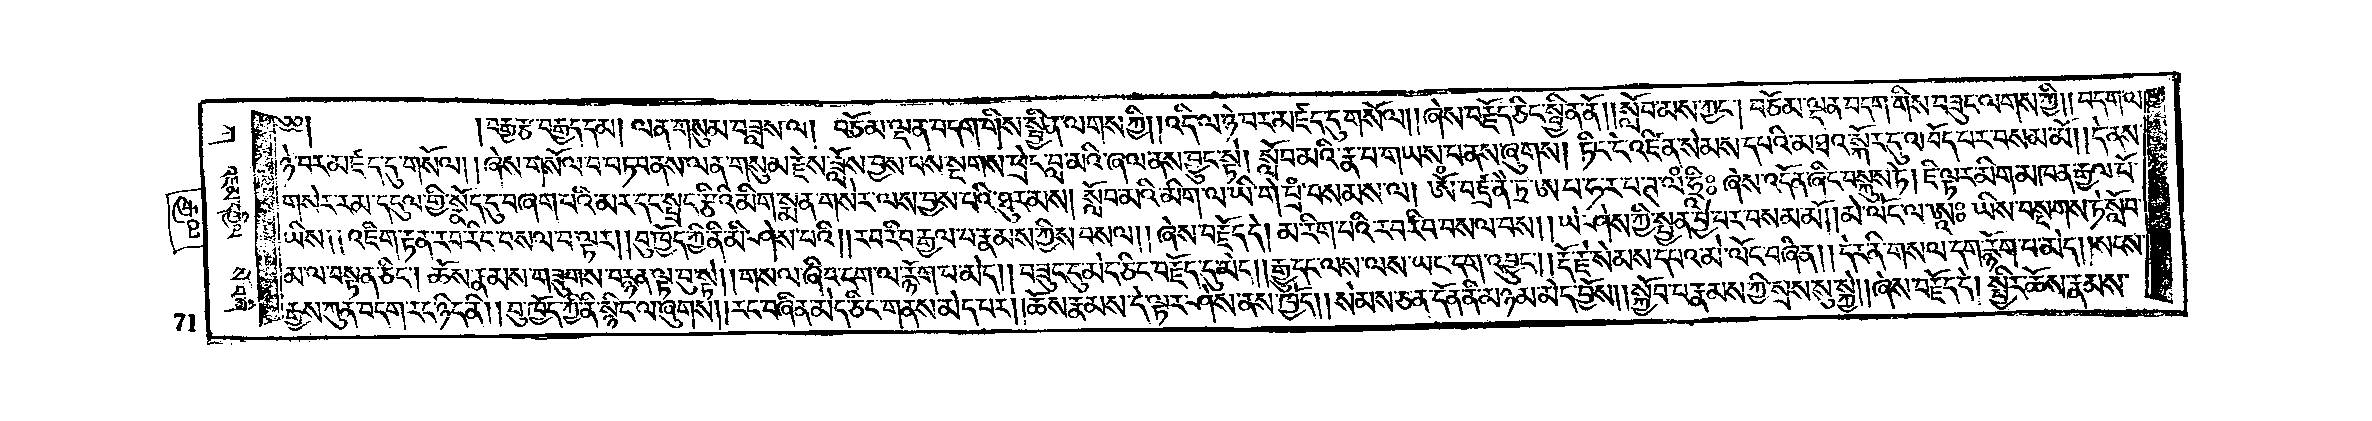༄༅། །བརྒྱ་རྩ་བརྒྱད་དམ། ལན་གསུམ་བཟླས་ལ། བཅོམ་ལྡན་བདག་གིས་སྦྱིན་ལགས་ཀྱི། །འདི་ལ་ཉེ་བར་མཛད་དུ་གསོལ། །ཞེས་བརྗོད་ཅིང་སྦྱིན་ནོ། །སློབ་མས་ཀྱང་། བཅོམ་ལྡན་བདག་གིས་བཟུང་ལགས་ཀྱི། །བདག་ལ་
ཉེ་བར་མཛད་དུ་གསོལ། །ཞེས་གསོལ་བ་བཏབ་ནས་ལན་གསུམ་རྗེས་ཟློས་བྱས་པས་སྔགས་ཕྲེང་བླ་མའི་ཞལ་ནས་བྱུང་སྟེ། སློབ་མའི་རྣ་བ་གཡས་པ་ནས་ཞུགས། ཏིང་ངེ་འཛིན་སེམས་དཔའི་མཐའ་སྐོར་དུ་འཁོད་པར་བསམ་མོ། །དེ་ནས་
གསེར་རམ་དངུལ་གྱི་སྣོད་དུ་བཞག་པའི་མར་དང་སྦྲང་རྩིའི་མིག་སྨན་གསེར་ལས་བྱས་པའི་ཐུར་མས། སློབ་མའི་མིག་ལ་ཡི་གེ་པྲཾ་བསམས་ལ། ཨོཾ་བྫྲ་ནཻ་ཏྲ་ཨ་པ་ཧ་ར་པ་ཊ་ལཾ་ཧྲཱིཿ ཞེས་འདོན་ཞིང་བསྐུས་ཏེ། ཇི་ལྟར་མིག་མཁན་རྒྱལ་པོ་
ཡིས། །འཇིག་རྟེན་རབ་རིང་བསལ་བ་ལྟར། །བུ་ཁྱོད་ཀྱི་ནི་མི་ཤེས་པའི། །རབ་རིབ་རྒྱལ་པ་རྣམས་ཀྱིས་བསལ། །ཞེས་བརྗོད་དེ། མ་རིག་པའི་རབ་རིབ་བསལ་བས། །ཡེ་ཤེས་ཀྱི་སྤྱན་བྱེ་པར་བསམ་མོ། །མེ་ལོང་ལ་ཨཱཿ ཡིས་བསྔགས་ཏེ་སློབ་
མ་ལ་བསྟན་ཅིང་། ཆོས་རྣམས་གཟུགས་བརྙན་ལྟ་བུ་སྟེ། །གསལ་ཞིང་དག་ལ་རྙོག་པ་མེད། །བཟུང་དུ་མེད་ཅིང་བརྗོད་དུ་མེད། །རྒྱུ་དང་ལས་ལས་ཡང་དག་འབྱུང་། །རྡོ་རྗེ་སེམས་དཔའ་མེ་ལོང་བཞིན། །དེར་ནི་གསལ་དག་རྙོག་པ་མེད། །སངས་
རྒྱས་ཀུན་བདག་རང་ཉིད་ནི། །བུ་ཁྱོད་ཀྱི་ནི་སྙིང་ལ་ཞུགས། །རང་བཞིན་མེད་ཅིང་གནས་མེད་པར། །ཆོས་རྣམས་དེ་ལྟར་ཤེས་ནས་ཁྱོད། །སེམས་ཅན་དོན་ནི་མཉམ་མེད་བྱོས། །སྐྱོབ་པ་རྣམས་ཀྱི་སྲས་སུ་སྐྱེ། །ཞེས་བརྗོད་དེ། སྤྱིར་ཆོས་རྣམས་